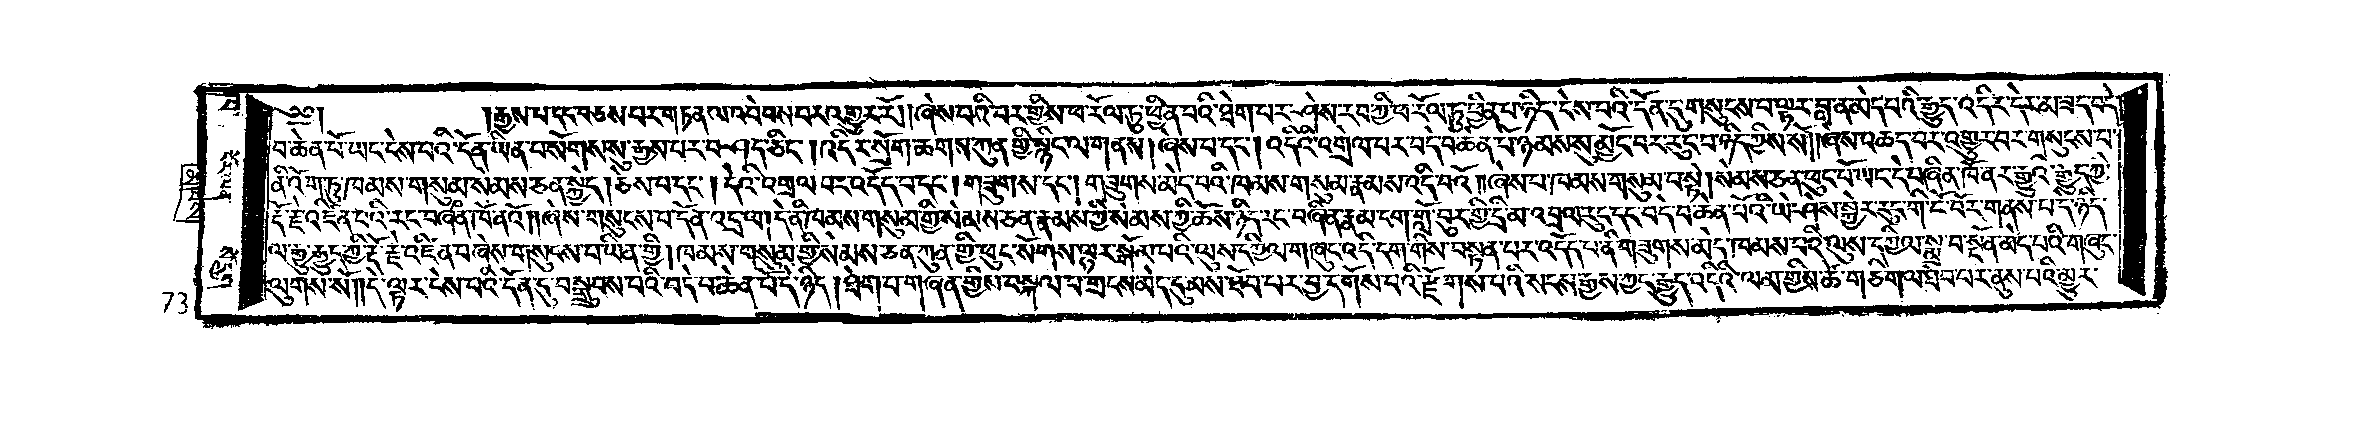༄༅། །རྒྱས་པ་དང་བཅས་པར་གཏན་ལ་འབེབས་པར་འགྱུར་རོ། །ཞེས་པའི་བར་གྱིས་ཕ་རོལ་ཏུ་ཕྱིན་པའི་ཐེག་པར་ཤེས་རབ་ཀྱི་ཕ་རོལ་ཏུ་ཕྱིན་པ་ཉིད་ངེས་པའི་དོན་དུ་གསུངས་པ་ལྟར་བླ་ན་མེད་པའི་རྒྱུད་འདིར་དེར་མ་ཟད་བདེ་
བ་ཆེན་པོ་ཡང་ངེས་པའི་དོན་ཡིན་པ་སོགས་སུ་རྒྱས་པར་བཤད་ཅིང་། འདིར་སྲོག་ཆགས་ཀུན་གྱི་སྙིང་ལ་གནས། ཞེས་པ་དང་། འདིའི་འགྲེལ་བར་བདེ་བ་ཆེན་པོ་ཉམས་སུ་མྱོང་བར་རུང་བ་ཉིད་ཀྱིས་སོ། །ཞེས་འཆད་པར་འགྱུར་བར་གསུངས་པ་
ནི་འོག་ཏུ་ཁམས་གསུམ་སེམས་ཅན་སྐྱེད། ཅེས་པ་དང་། དེའི་འགྲེལ་བར་འདོད་པ་དང་། གཟུགས་དང་། གཟུགས་མེད་པའི་ཁམས་གསུམ་རྣམས་འདི་པའོ། །ཞེས་པ་ཁམས་གསུམ་པ་སྟེ། སེམས་ཅན་ཕུང་པོ་ཡང་དེ་བཞིན་ཁོ་ནར་རྒྱུའི་རྒྱུད་ཀྱི་
རྡོ་རྗེ་འཛིན་པའི་རང་བཞིན་ཁོ་ནའོ། །ཞེས་གསུངས་པ་དོན་འདྲ་ལ། དེ་ནི་ཁམས་གསུམ་གྱི་སེམས་ཅན་རྣམས་ཀྱི་སེམས་ཀྱི་ཆོས་ཉིད་རང་བཞིན་རྣམ་དག་གློ་བུར་གྱི་དྲི་མ་འབྲལ་རུང་དང་བདེ་བ་ཆེན་པོའི་ཡེ་ཤེས་སྐྱེར་རུང་གི་ངོ་བོར་གནས་པ་དེ་ཉིད་
ལ་རྒྱུ་རྒྱུད་ཀྱི་རྡོ་རྗེ་འཛིན་པ་ཞེས་གསུངས་པ་ཡིན་གྱི། ཁམས་གསུམ་གྱི་སེམས་ཅན་ཀུན་གྱི་ཕུང་སོགས་ལྷར་སྒོམ་པའི་ལུས་དཀྱིལ་གཞུང་འདི་དག་གིས་བསྟན་པར་འདོད་པ་ནི་གཟུགས་མེད་ཁམས་པའི་ལུས་དཀྱིལ་སྨྲ་བ་སྔོན་མེད་པའི་གཞུང་
ལུགས་སོ། །དེ་ལྟར་ངེས་པའི་དོན་དུ་བསྒྲུབས་པའི་བདེ་བ་ཆེན་པོ་དེ་ཉིད། ཐེག་པ་གཞན་གྱིས་བསྐལ་པ་གྲངས་མེད་དུ་མས་ཐོབ་པར་བྱ་དགོས་པའི་རྫོགས་པའི་སངས་རྒྱས་ཀྱང་རྒྱུད་འདིའི་ལམ་གྱིས་ཚེ་གཅིག་ལ་ཐོབ་པར་ནུས་པའི་མྱུར་